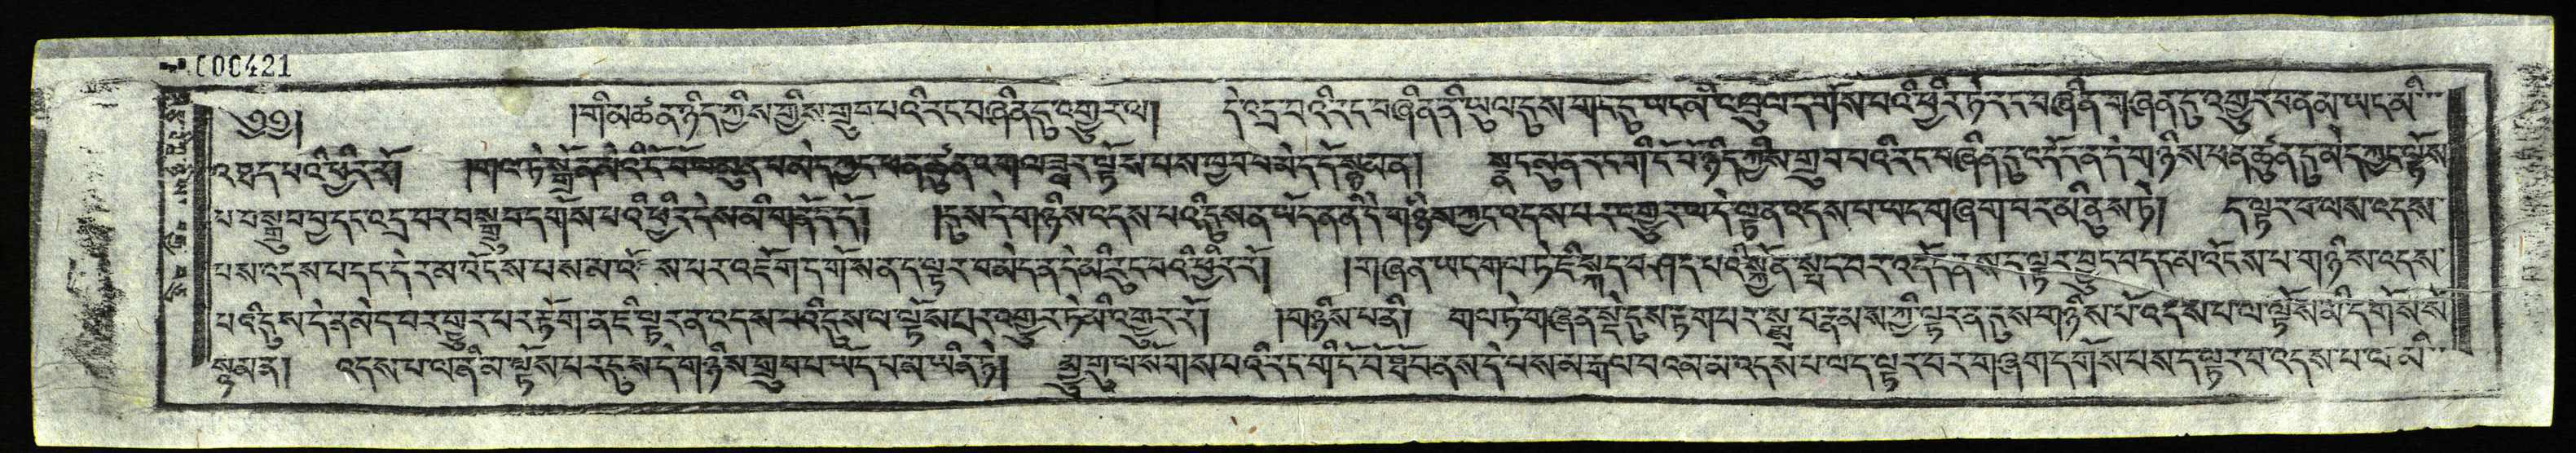༄༅། །གི་མཚན་ཉིད་ཀྱིས་གྱིས་གྲུབ་པའི་རང་བཞིན་དུ་འགྱུར་ལ། དེ་འདྲ་བའི་རང་བཞིན་ནི་ཡུལ་དུས་གང་དུ་ཡང་མི་འཁྲུལ་དགོས་པའི་ཕྱིར་ཏེ་རང་བཞིན་གཞན་དུ་འགྱུར་བ་ནམ་ཡང་མི་
འཐད་པའི་ཕྱིར་རོ། །གལ་ཏེ་སྒྲོན་མེའི་ངོ་བོ་ལ་མུན་པ་མེད་ཀྱང་ཕན་ཚུན་འགལ་ཟླར་ལྟོས་པས་ཁྱབ་པ་མེད་དོ་སྙམ་ན། སྣང་མུན་རང་གི་ངོ་བོ་ཉིད་ཀྱིས་གྲུབ་པའི་རང་བཞིན་དུ་འདོད་ན་དེ་གཉིས་ཕན་ཚུན་དུ་མེད་ཀྱང་ལྟོས་
པ་བསྒྲུབ་བྱ་དང་འདྲ་བར་བསྒྲུབ་དགོས་པའི་ཕྱིར་དེས་མི་གནོད་དོ། །དུས་དེ་གཉིས་འདས་པའི་དུས་ན་ཡོད་ན་ནི་དེ་གཉིས་ཀྱང་འདས་པར་འགྱུར་ལ་དེ་ལྟ་ན་འདས་པ་ཡང་གཞག་བར་མི་ནུས་ཏེ། ད་ལྟར་བ་ལས་འདས་
པས་འདས་པ་དང་དེར་མ་འོངས་པས་མ་འོངས་པར་འཇོག་དགོས་ན་ད་ལྟར་བ་མེད་ན་དེ་མི་རུང་བའི་ཕྱིར་རོ། །གཞན་ཡང་གལ་ཏེ་ཇི་སྐད་བཤད་པའི་སྐྱོན་སྤང་བར་འདོད་ནས་ད་ལྟར་བྱུང་བ་དང་མ་འོངས་པ་གཉིས་འདས་
པའི་དུས་དེ་ན་མེད་པར་གྱུར་པར་རྟོག་ན་ཇི་ལྟར་ན་འདས་པའི་དུས་ལ་ལྟོས་པར་འགྱུར་ཏེ་མི་འགྱུར་རོ། །གཉིས་པ་ནི། གལ་ཏེ་གཞན་སྡེ་དུས་རྟག་པར་སྨྲ་བ་རྣམས་ཀྱི་ལྟར་ན་དུས་གཉིས་པོ་འདས་པ་ལ་ལྟོས་མི་དགོས་སོ་
སྙམ་ན། འདས་པ་ལ་ནི་མ་ལྟོས་པར་དུས་དེ་གཉིས་གྲུབ་པ་ཡོད་པ་མ་ཡིན་ཏེ། མྱུ་གུ་ལ་སོགས་པའི་རང་གི་ངོ་བོ་ཐོབ་ནས་དེ་པས་མ་རྒལ་བའམ་མ་འདས་པ་ལ་ད་ལྟར་བར་གཞག་དགོས་པས་ད་ལྟར་བ་འདས་པ་ལ་མི་